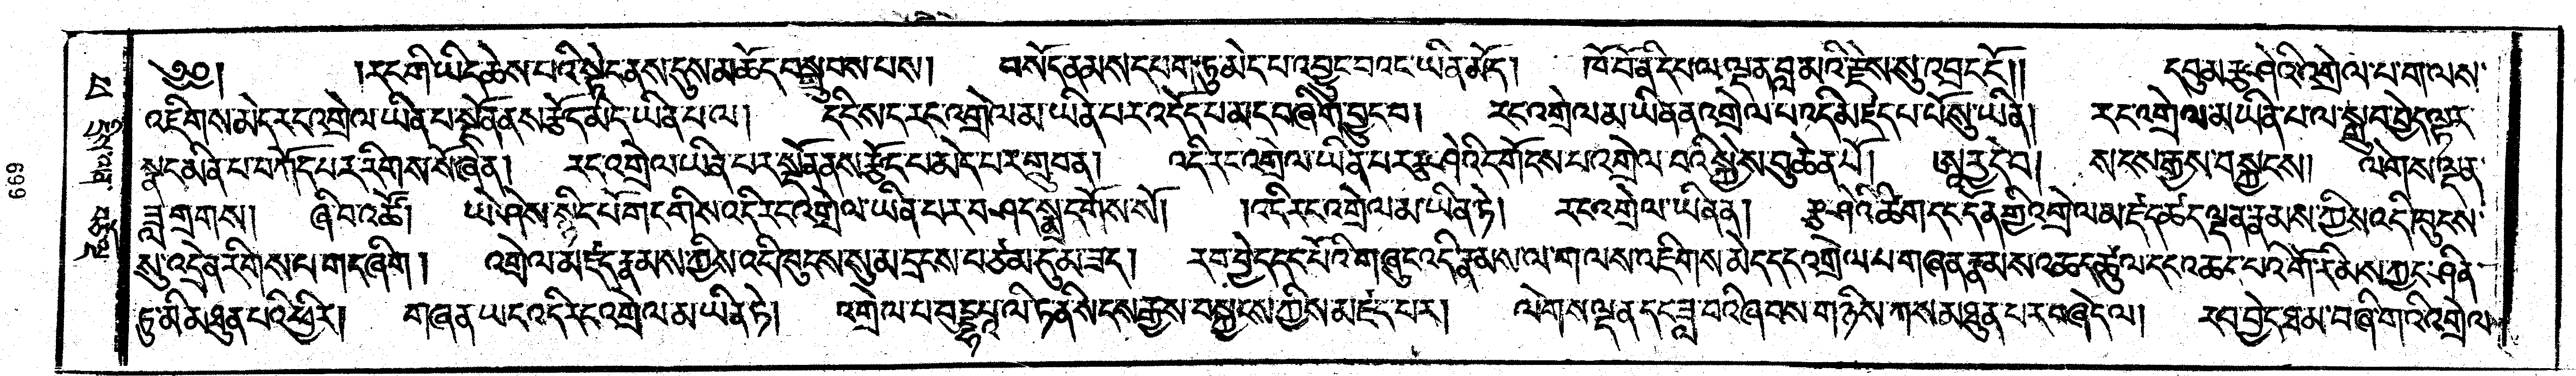༄༅། །རང་གི་ཡིད་ཆེས་པའི་སྟེང་ནས་དུས་མཆོད་བསྒྲུབས་པས། བསོད་ནམས་དཔག་ཏུ་མེད་པ་འབྱུང་བའང་ཡིན་མོད། ཁོ་བོ་ནི་དཔལ་ལྡན་བླ་མའི་རྗེས་སུ་འབྲང་ངོ།། དབུམ་རྩ་ཤེའི་འགྲེལ་པ་ག་ལས་
འཇིགས་མེད་རང་འགྲེལ་ཡིན་པ་སྔོན་ནས་རྩོད་མེད་ཡིན་པ་ལ། དིང་སང་རང་འགྲེལ་མ་ཡིན་པར་འདོད་པ་མང་བཞིག་བྱུང་བ། རང་འགྲེལ་མ་ཡིན་ན་འགྲེལ་པ་འདི་མཛད་པ་པོ་སུ་ཡིན། རང་འགྲེལ་མ་ཡིན་པ་ལ་སྒྲུབ་བྱེད་ལྟར་
སྣང་མིན་པ་བཀོད་པར་རིགས་སོ་ཞེན། རང་འགྲེལ་ཡིན་པར་སྔོན་ནས་རྩོད་པ་མེད་པར་གྲུབ་ན། འདི་རང་འགྲེལ་ཡིན་པར་རྩ་ཤེའི་དགོངས་པ་འགྲེལ་བའི་སྐྱེས་བུ་ཆེན་པོ། ཨཱརྱ་དེ་བ། སངས་རྒྱས་བསྐྱངས། ལེགས་ལྡན་
ཟླ་གྲགས། ཞི་བ་འཚོ། ཡེ་ཤེས་སྙིང་པོ་གང་གིས་འདི་རང་འགྲེལ་ཡིན་པར་བཤད་སྨྲ་དགོས་སོ། །འདི་རང་འགྲེལ་མ་ཡིན་ཏེ། རང་འགྲེལ་ཡིན་ན། རྩ་ཤེའི་ཚིག་དང་དོན་གྱི་འགྲེལ་མཛད་ཚད་ལྡན་རྣམས་ཀྱིས་འདི་ཁུངས་
སུ་འདྲེན་རིགས་པ་གང་ཞིག། འགྲེལ་མཛད་རྣམས་ཀྱིས་འདི་ཁུངས་སུ་མ་དྲངས་པ་ཙམ་དུ་མ་ཟད། རབ་བྱེད་དང་པོའི་གཞུང་འདི་རྣམས་ལ་ག་ལས་འཇིགས་མེད་དང་འགྲེལ་པ་གཞན་རྣམས་འཆད་ཚུལ་དང་འཆང་པའི་གོ་རིམས་ཀྱང་ཤིན་
ཏུ་མི་མཐུན་པའི་ཕྱིར། གཞན་ཡང་འདི་རང་འགྲེལ་མ་ཡིན་ཏེ། འགྲེལ་པ་བུདྡྷ་པཱ་ལི་ཏ་ནི་སངས་རྒྱས་བསྐྱངས་ཀྱིས་མཛད་པར། ལེགས་ལྡན་དང་ཟླ་བའི་ཞབས་གཉིས་ཀས་མཐུན་པར་བཞེད་ལ། རབ་བྱེད་ཐ་མ་བཞི་གའི་འགྲེལ་